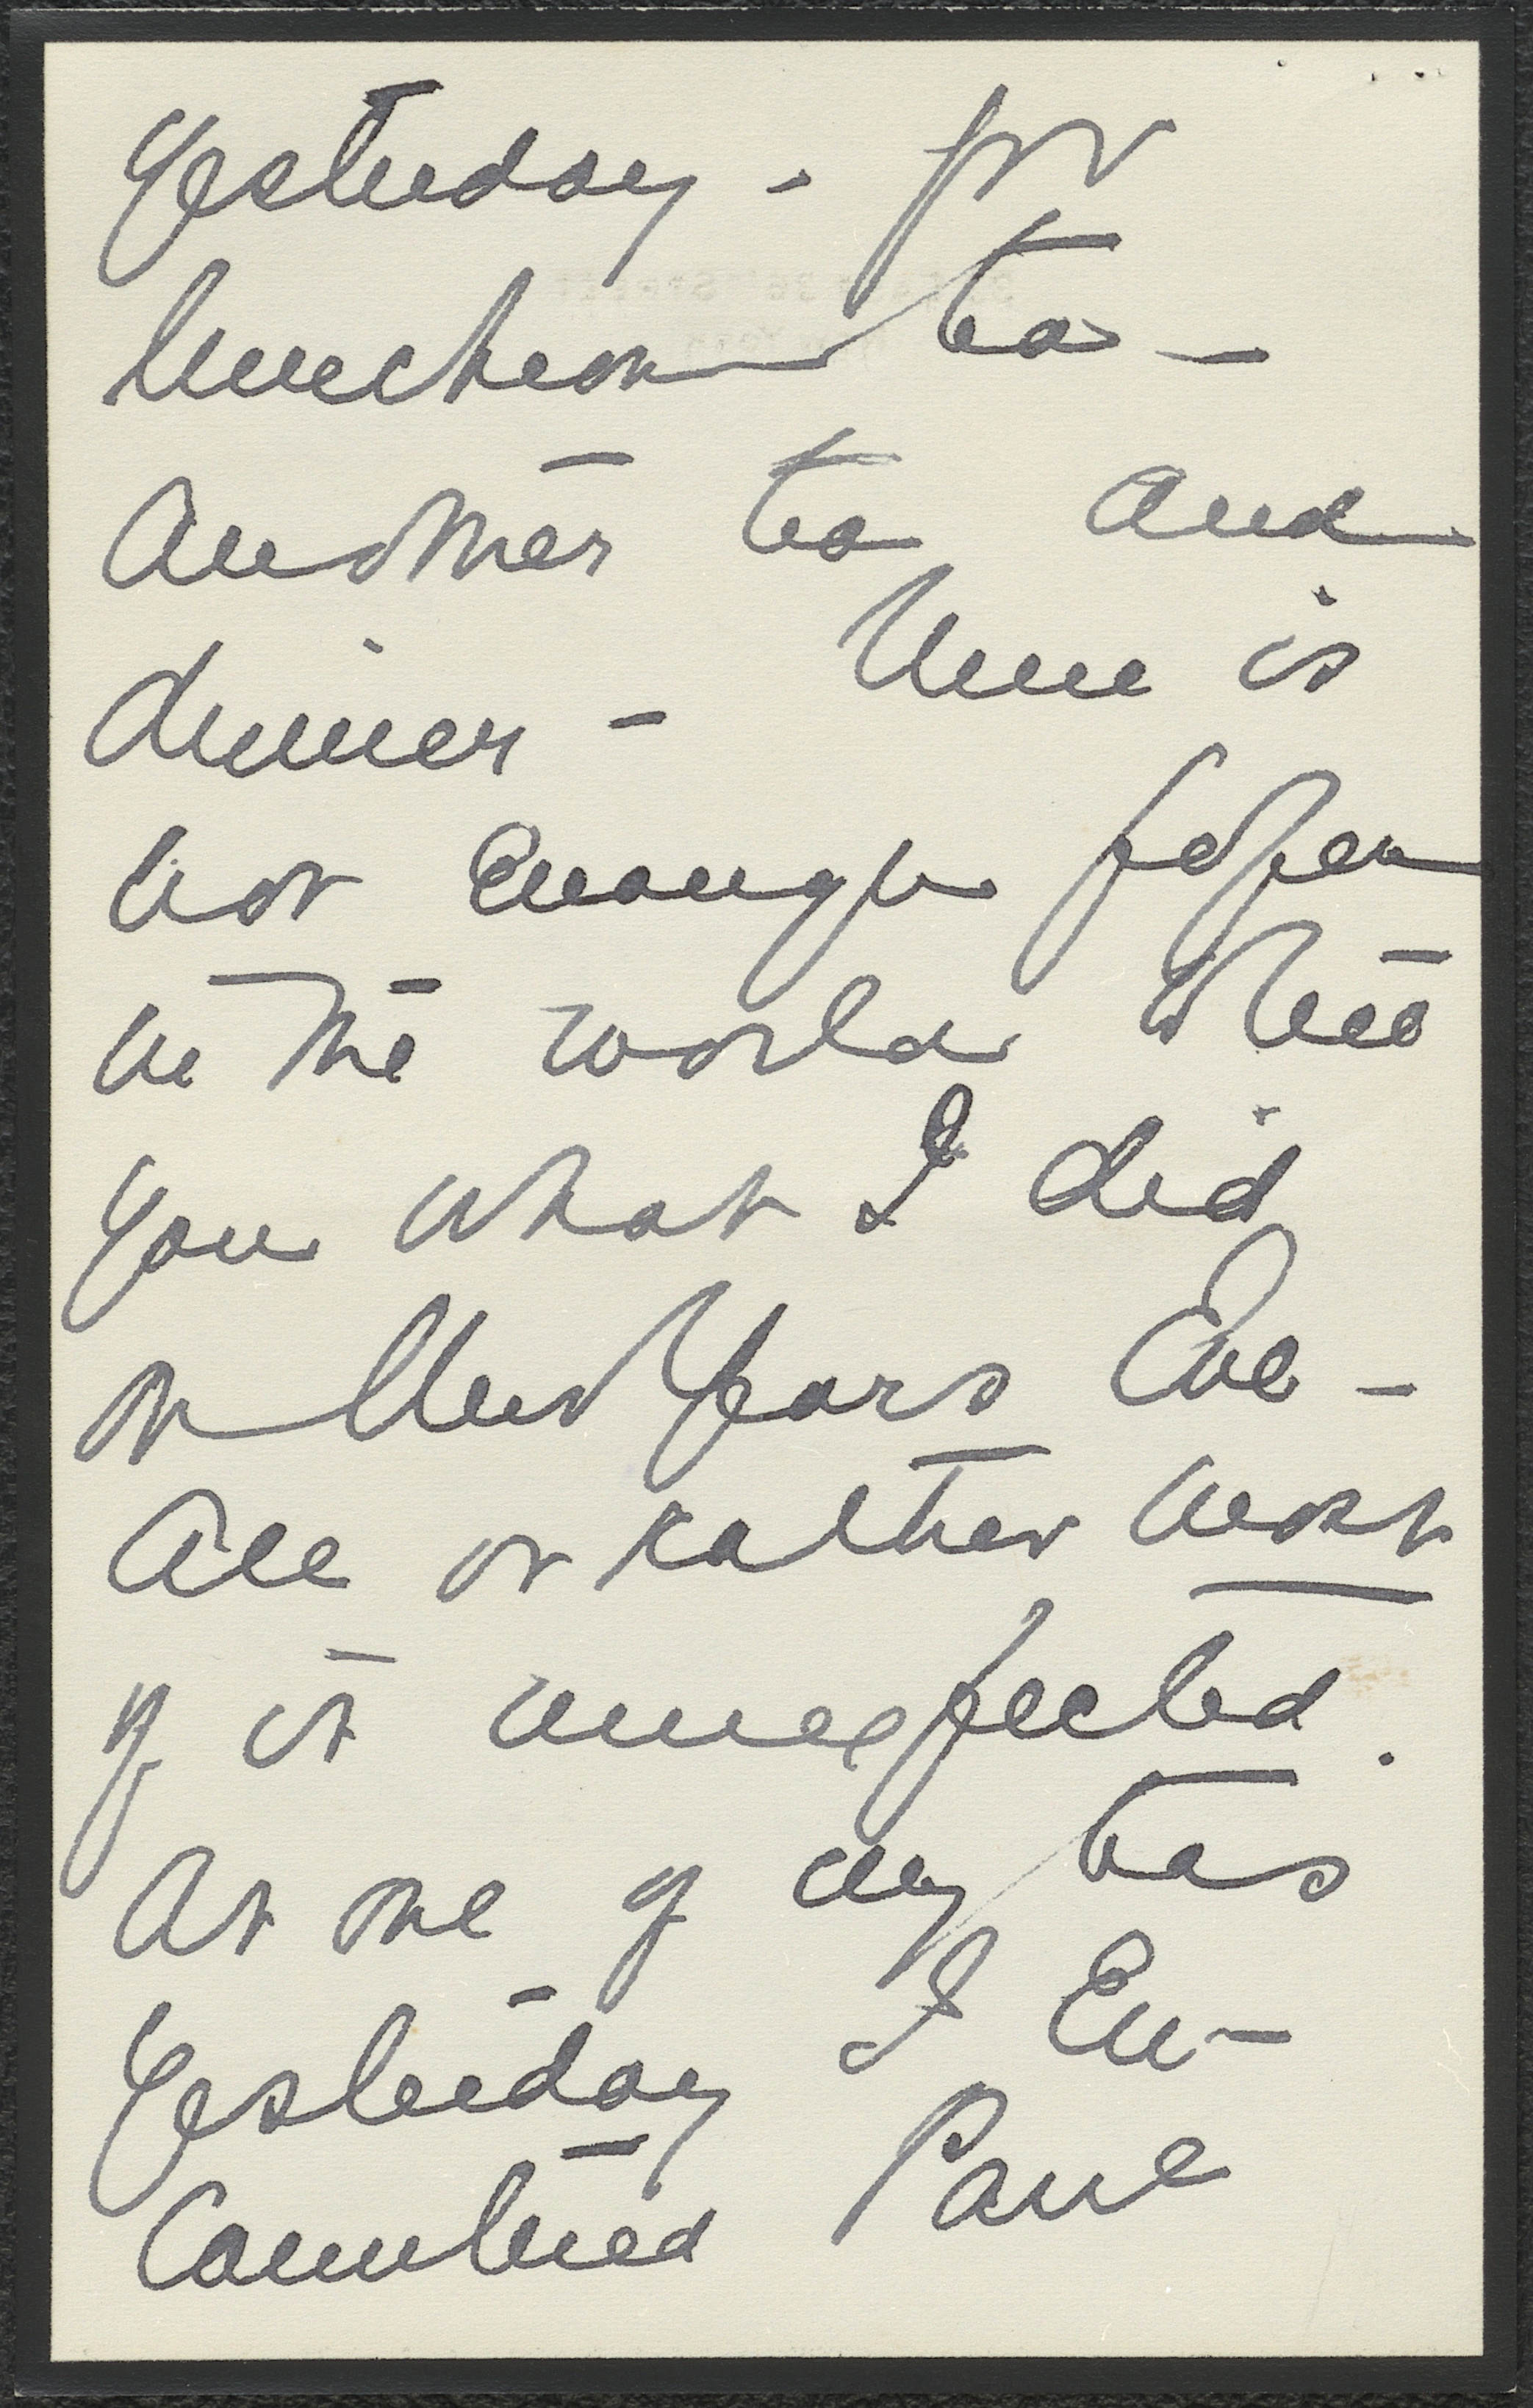yesterday – for luncheon tea – another tea and dinner — there is not enough paper in the world to tell you what I did on New Years Eve – all or rather most of it unexpected.
At one of my teas yesterday I encountered Paul